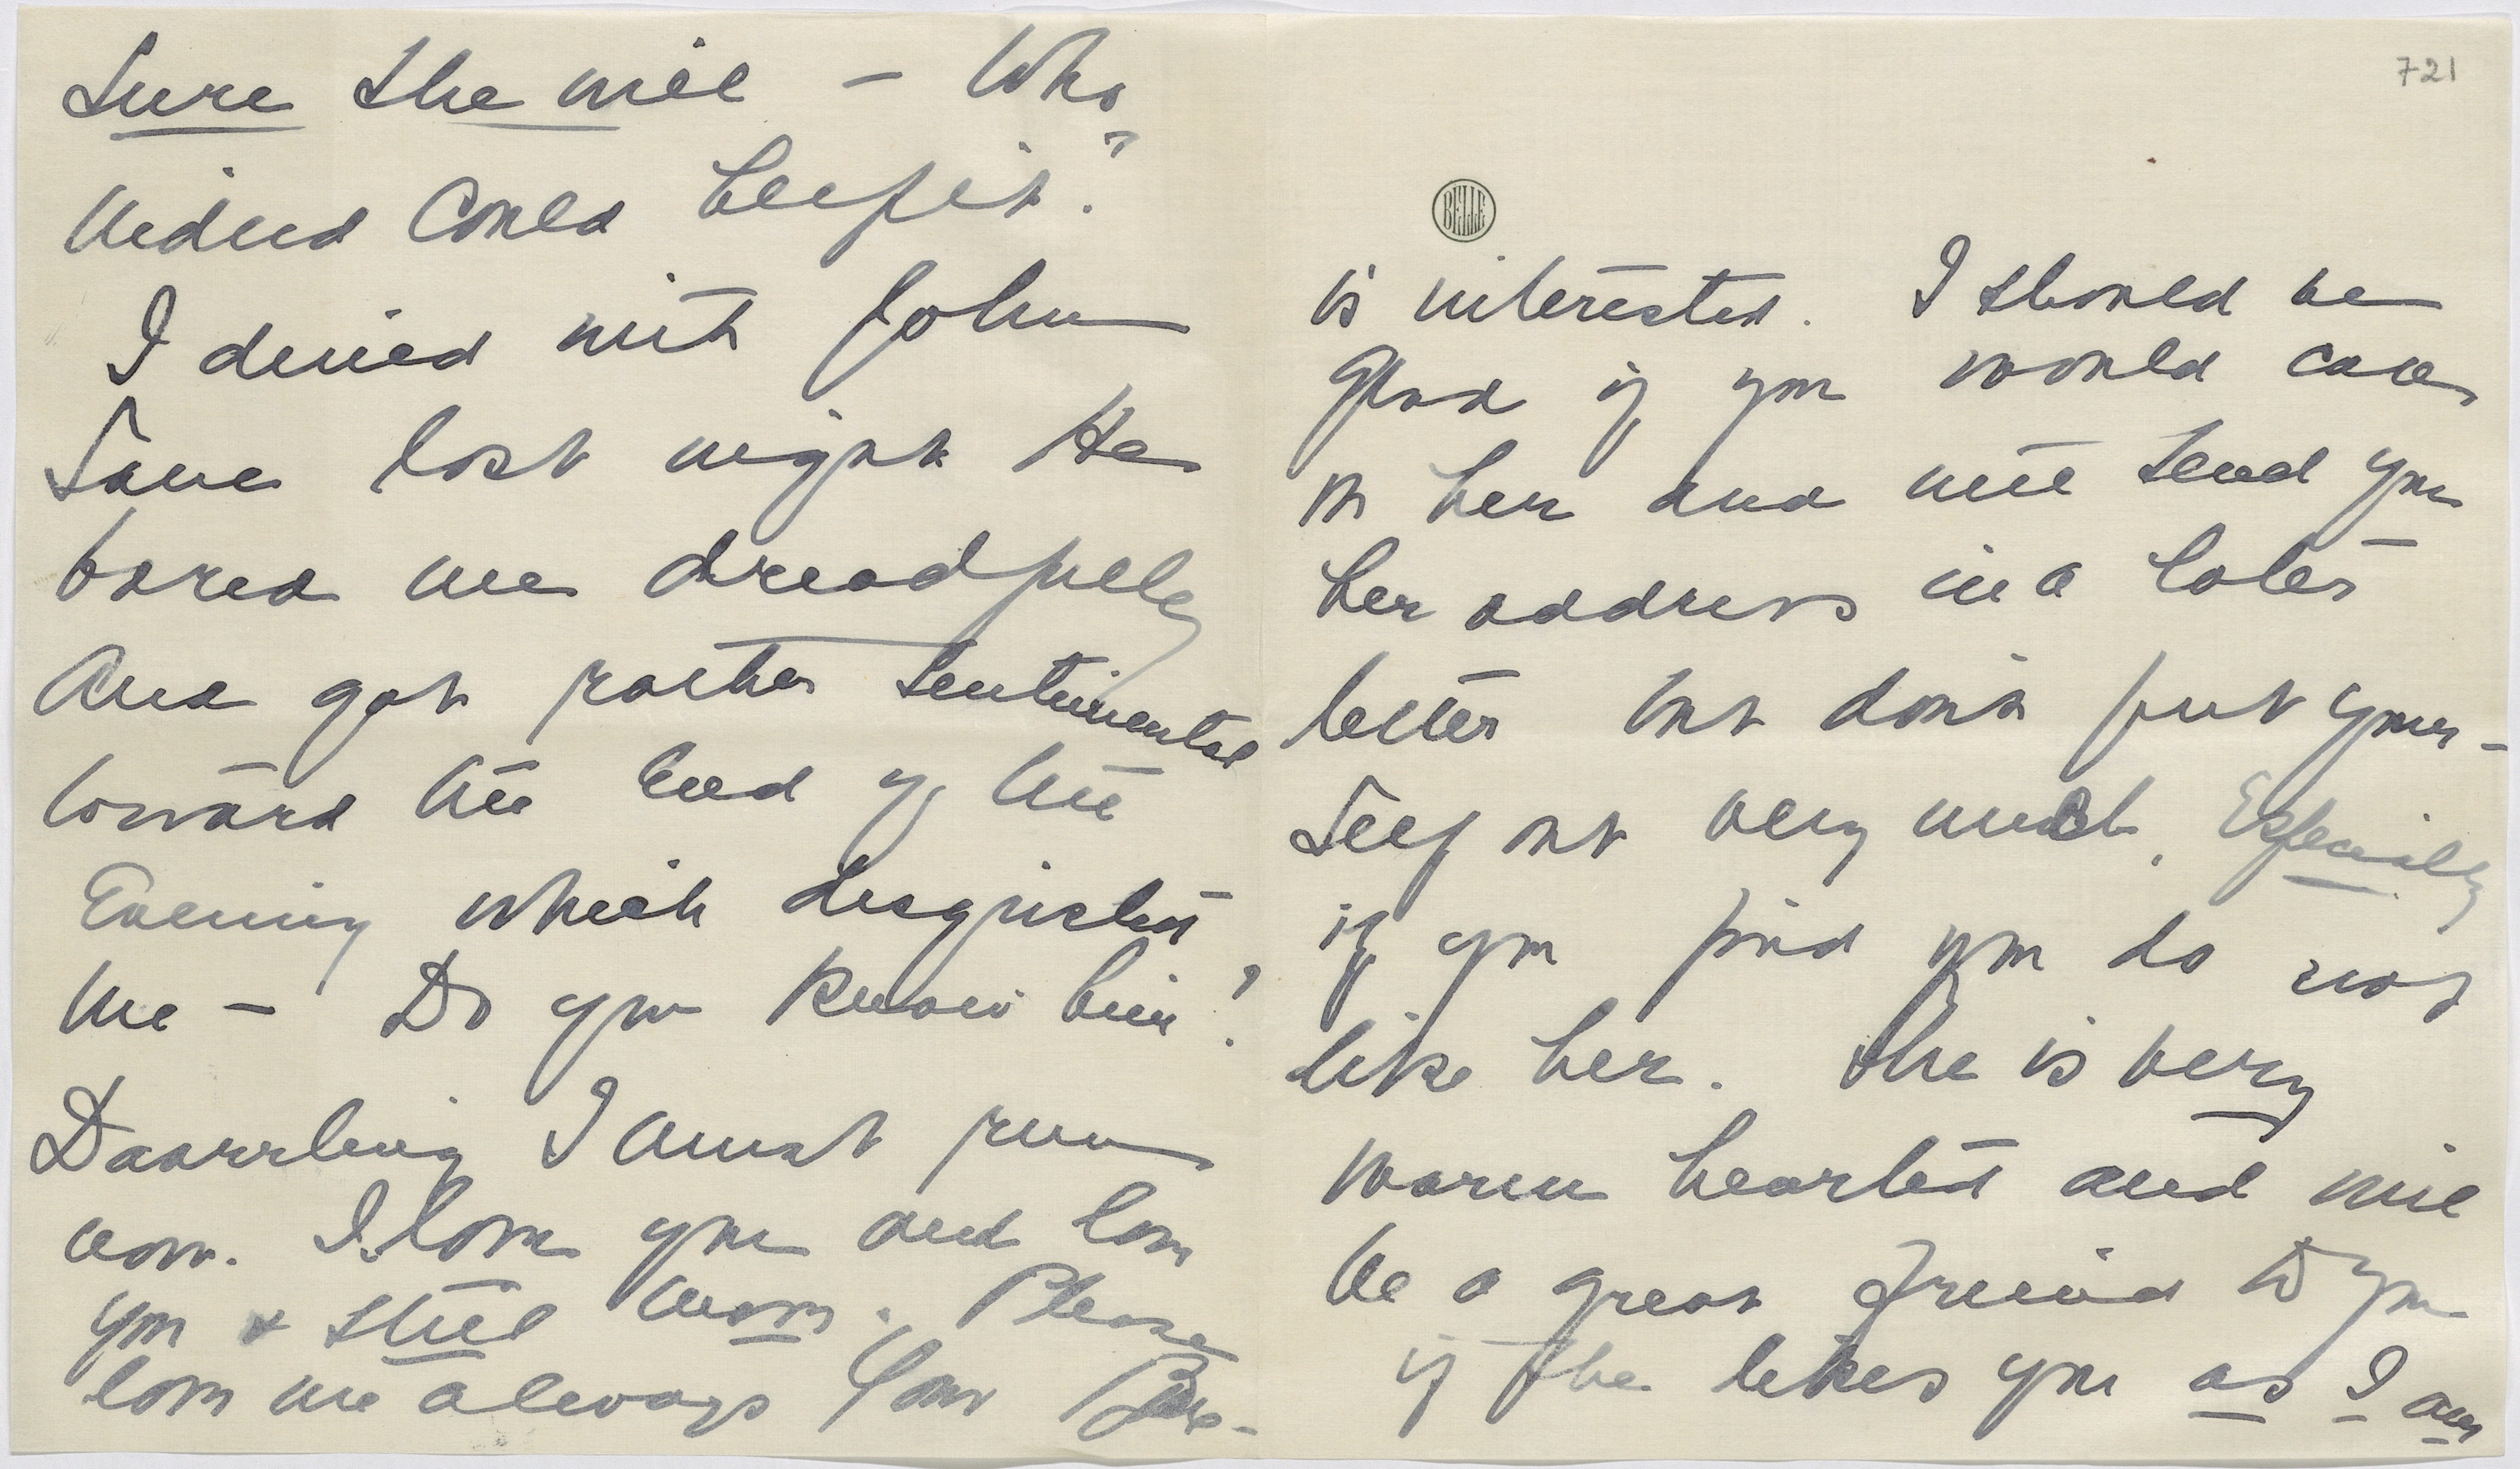is interested. I should be glad if you would call on her and will send you her address in a later letter but don’t put yourself out very much. Especially if you find you do not like her. She is very warm hearted and will be a great friend to you if she likes you as I am
sure she will – Who indeed could help it?
I dined with John Lane last night He bored me dreadfully and got rather sentimental toward the end of the evening which disgusted me – Do you know him?
Daarrling I must run now. I love you and love you & still more. Please love me always Your Belle –